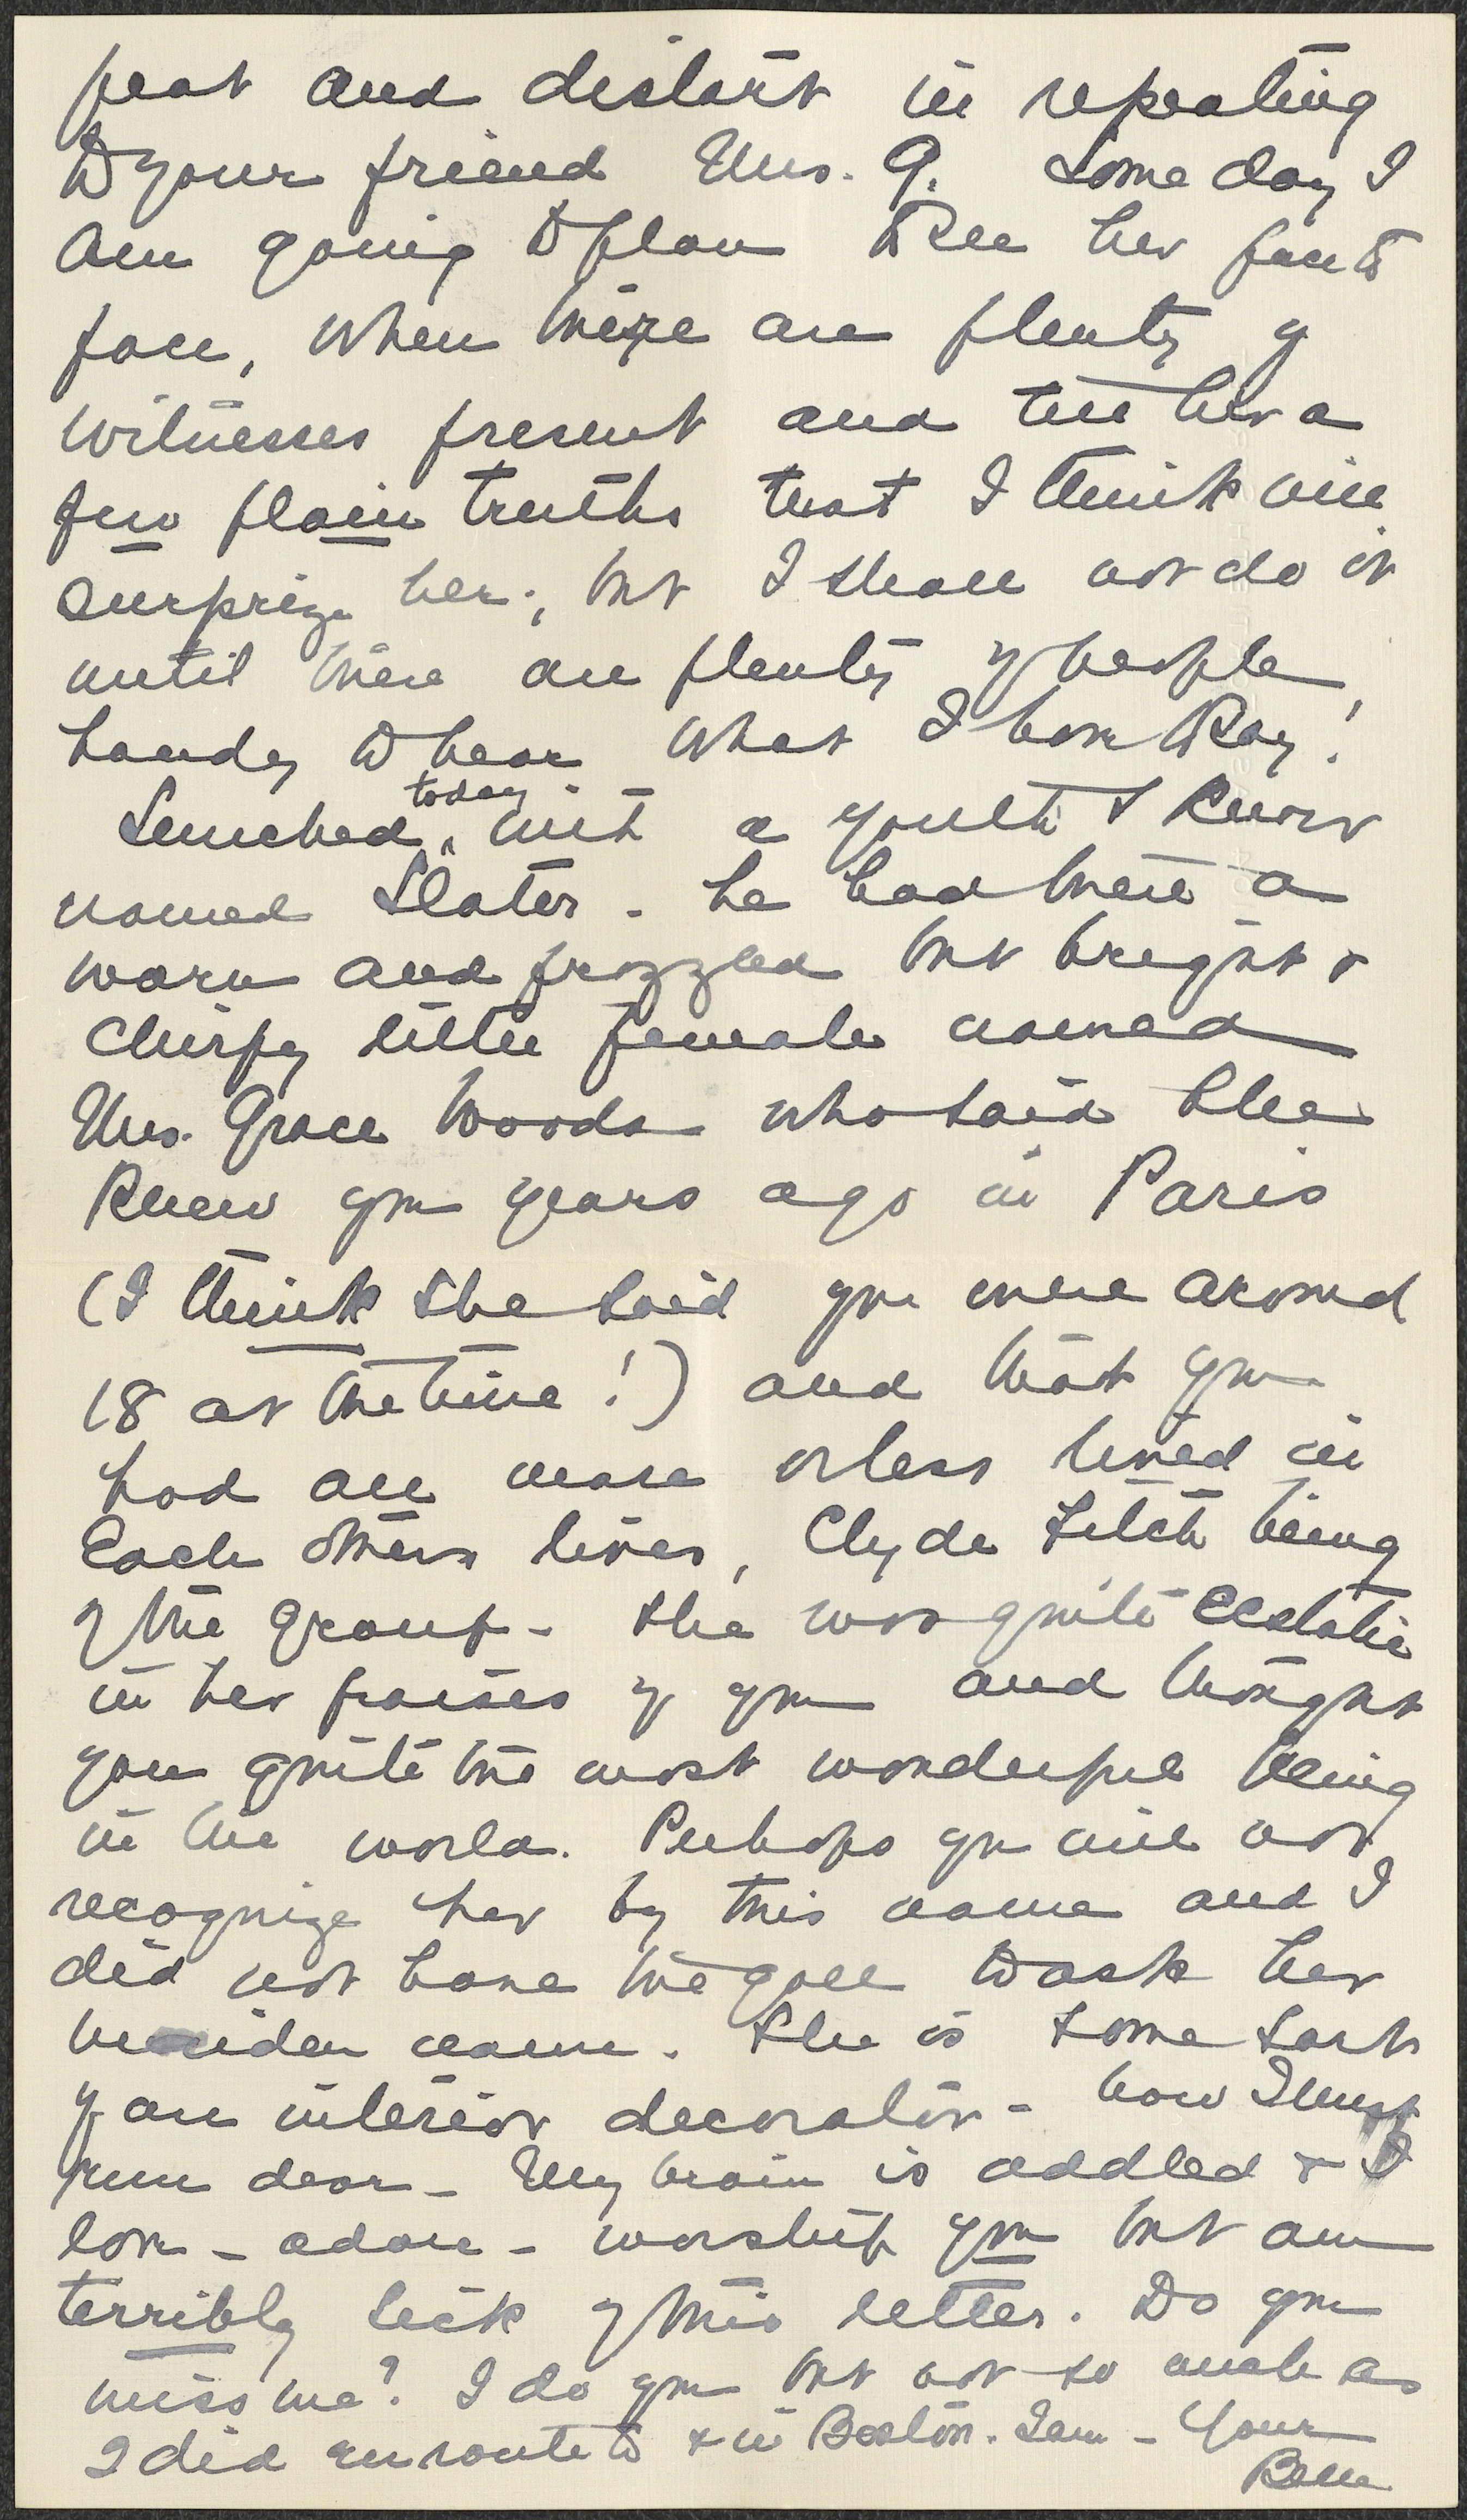repeat and distort in repeating to your friend Mrs. G. Some day I am going to plan to see her face to face, when there are plenty of witnesses present and tell her a few plain truths that I think will surprise her; but I shall not do it until there are plenty of people handy to hear what I have to say! Lunched [^today^] with a youth I know named Slater – he had there a warm and frizzled but bright & chirpy little female named Ms. Grace Woods who said she knew you years ago in Paris (I think she said you were around 18 at the time!) and that you had all more or less lived in each others lives, Clyde Fitch being of the group – she was quite ecstatic in her praises of you and thought you quite the most wonderful being in the world. Perhaps you will not recognize her by this name and I did not have the gall to ask her maiden name. She is some sort of an interior decorator – Now I must run dear – my brain is addled & I love – adore – worship you but am terribly sick of this letter. Do you miss me? I do you but not so much as I did en route to & in Boston. I am – Your
Belle